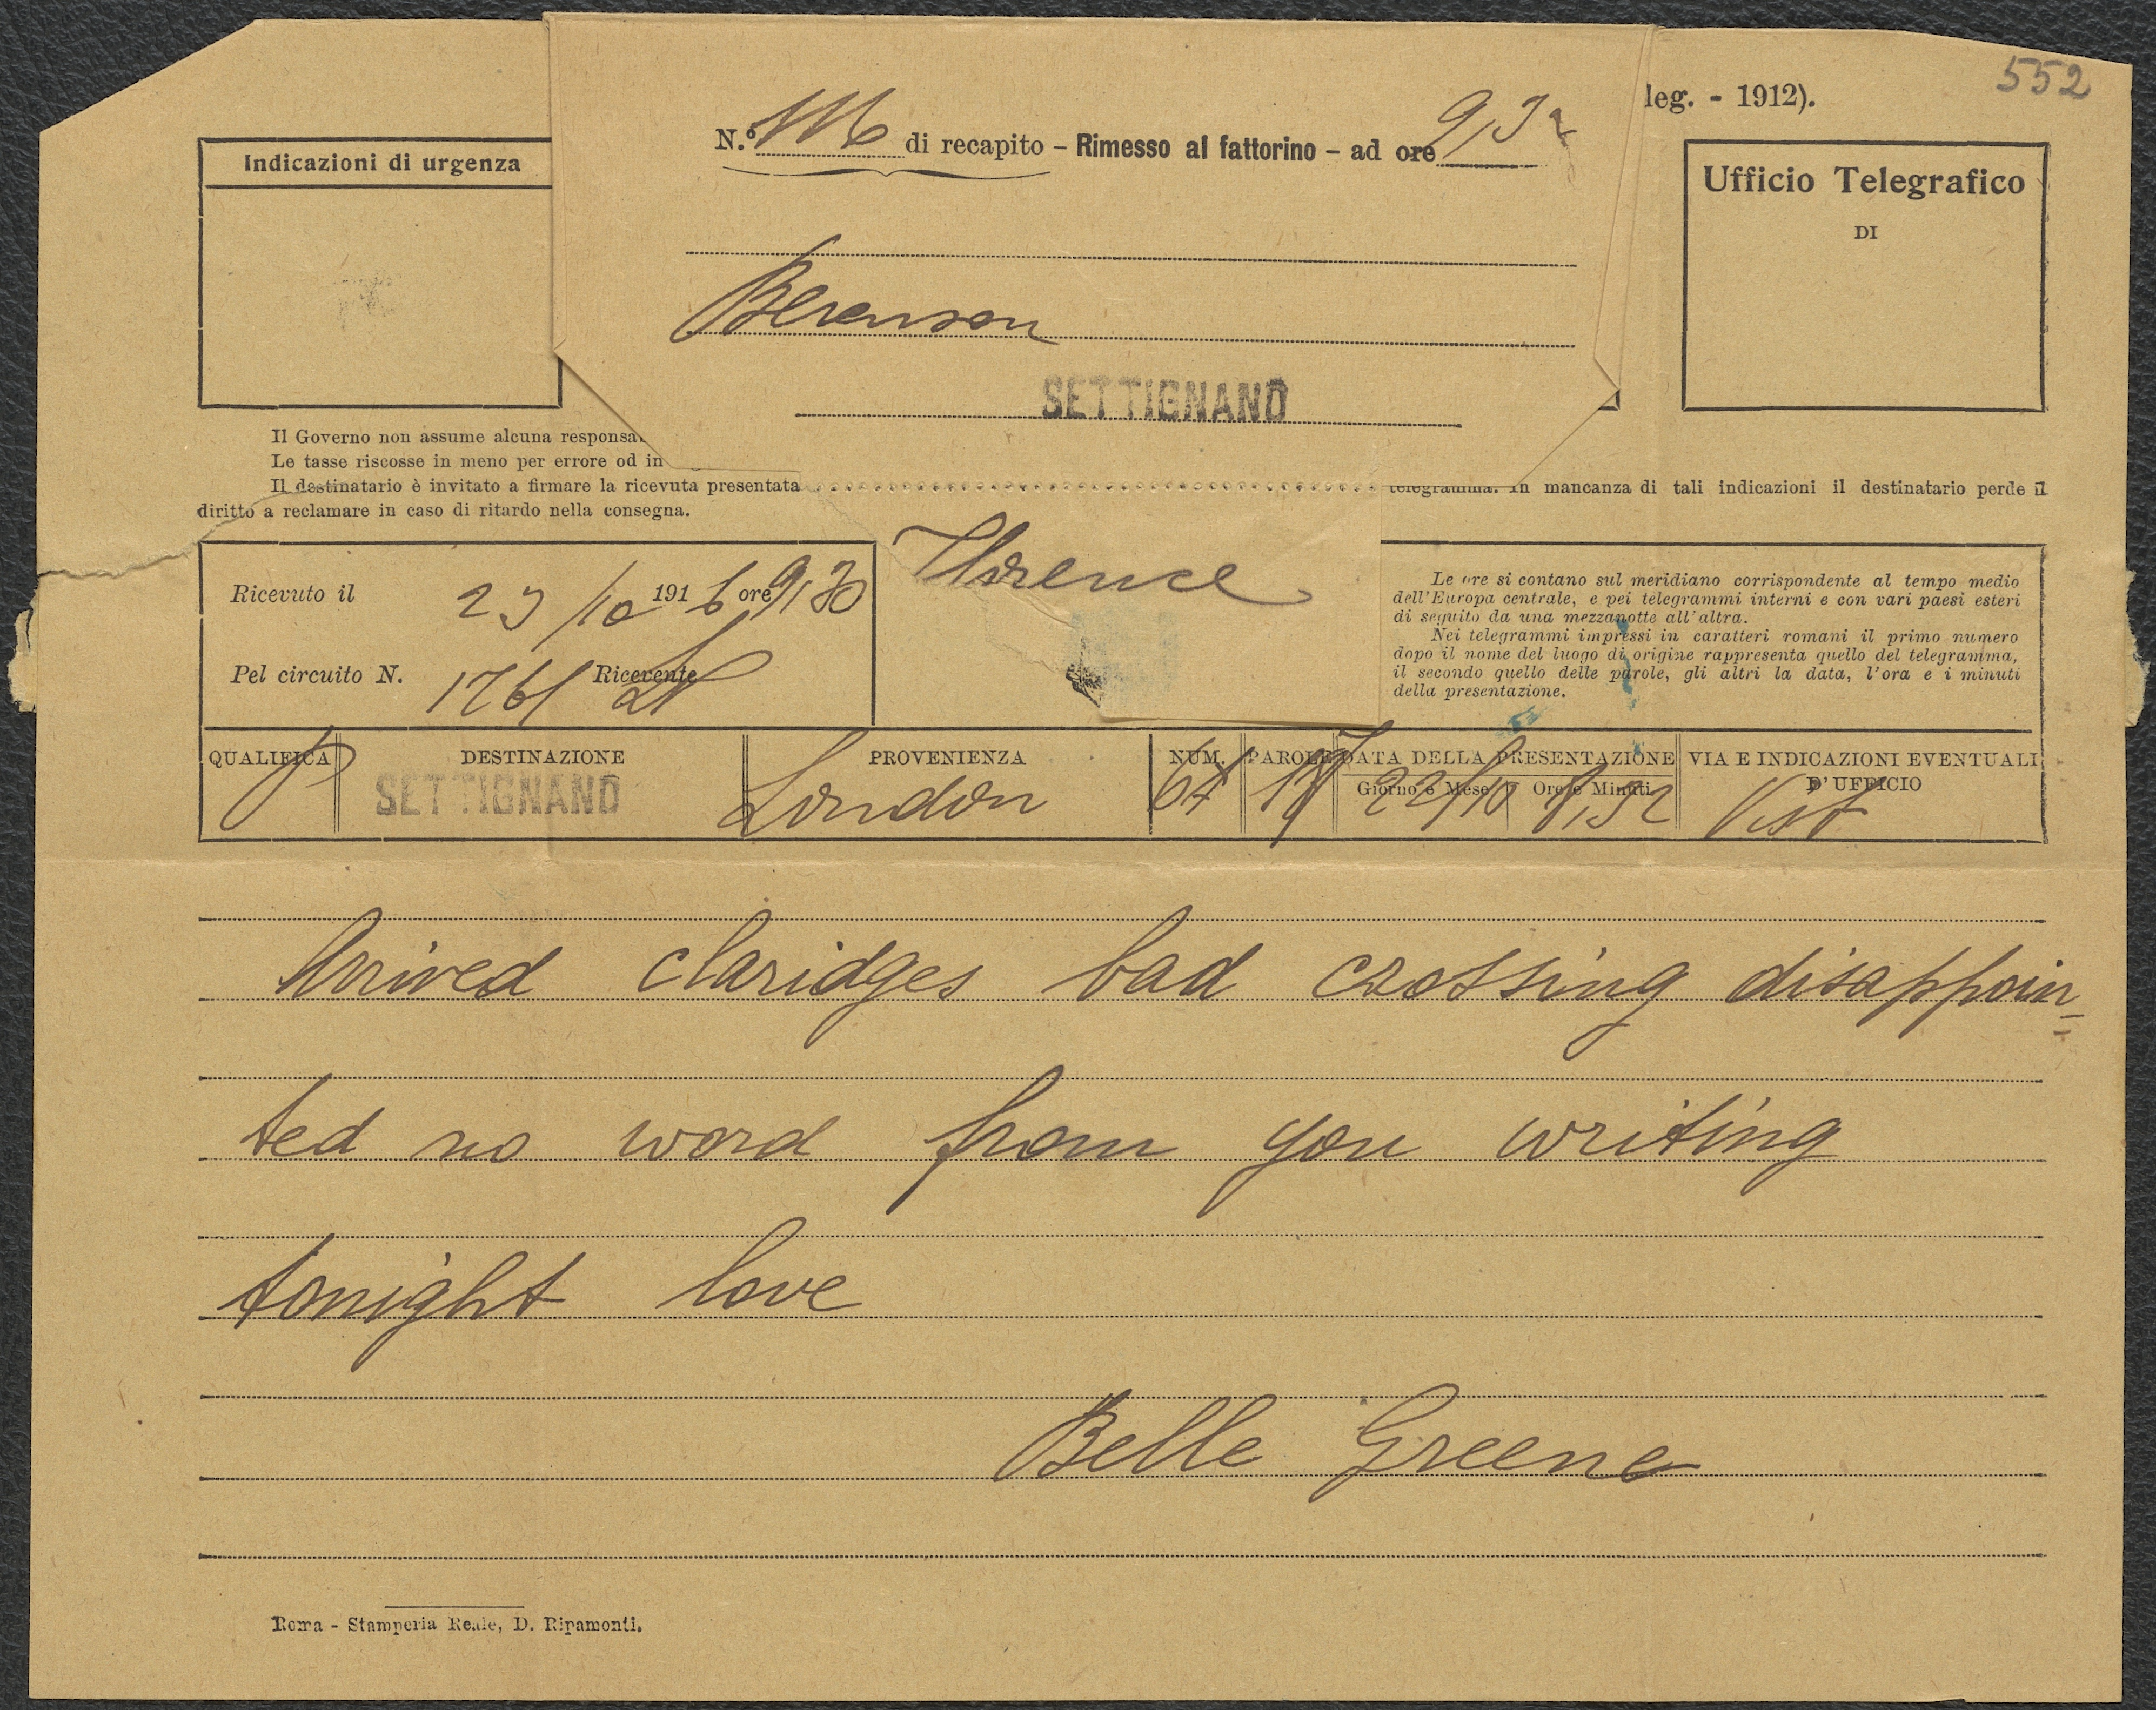Arrived claridges bad crossing disappointed no word from you writing tonight love
Belle Greene